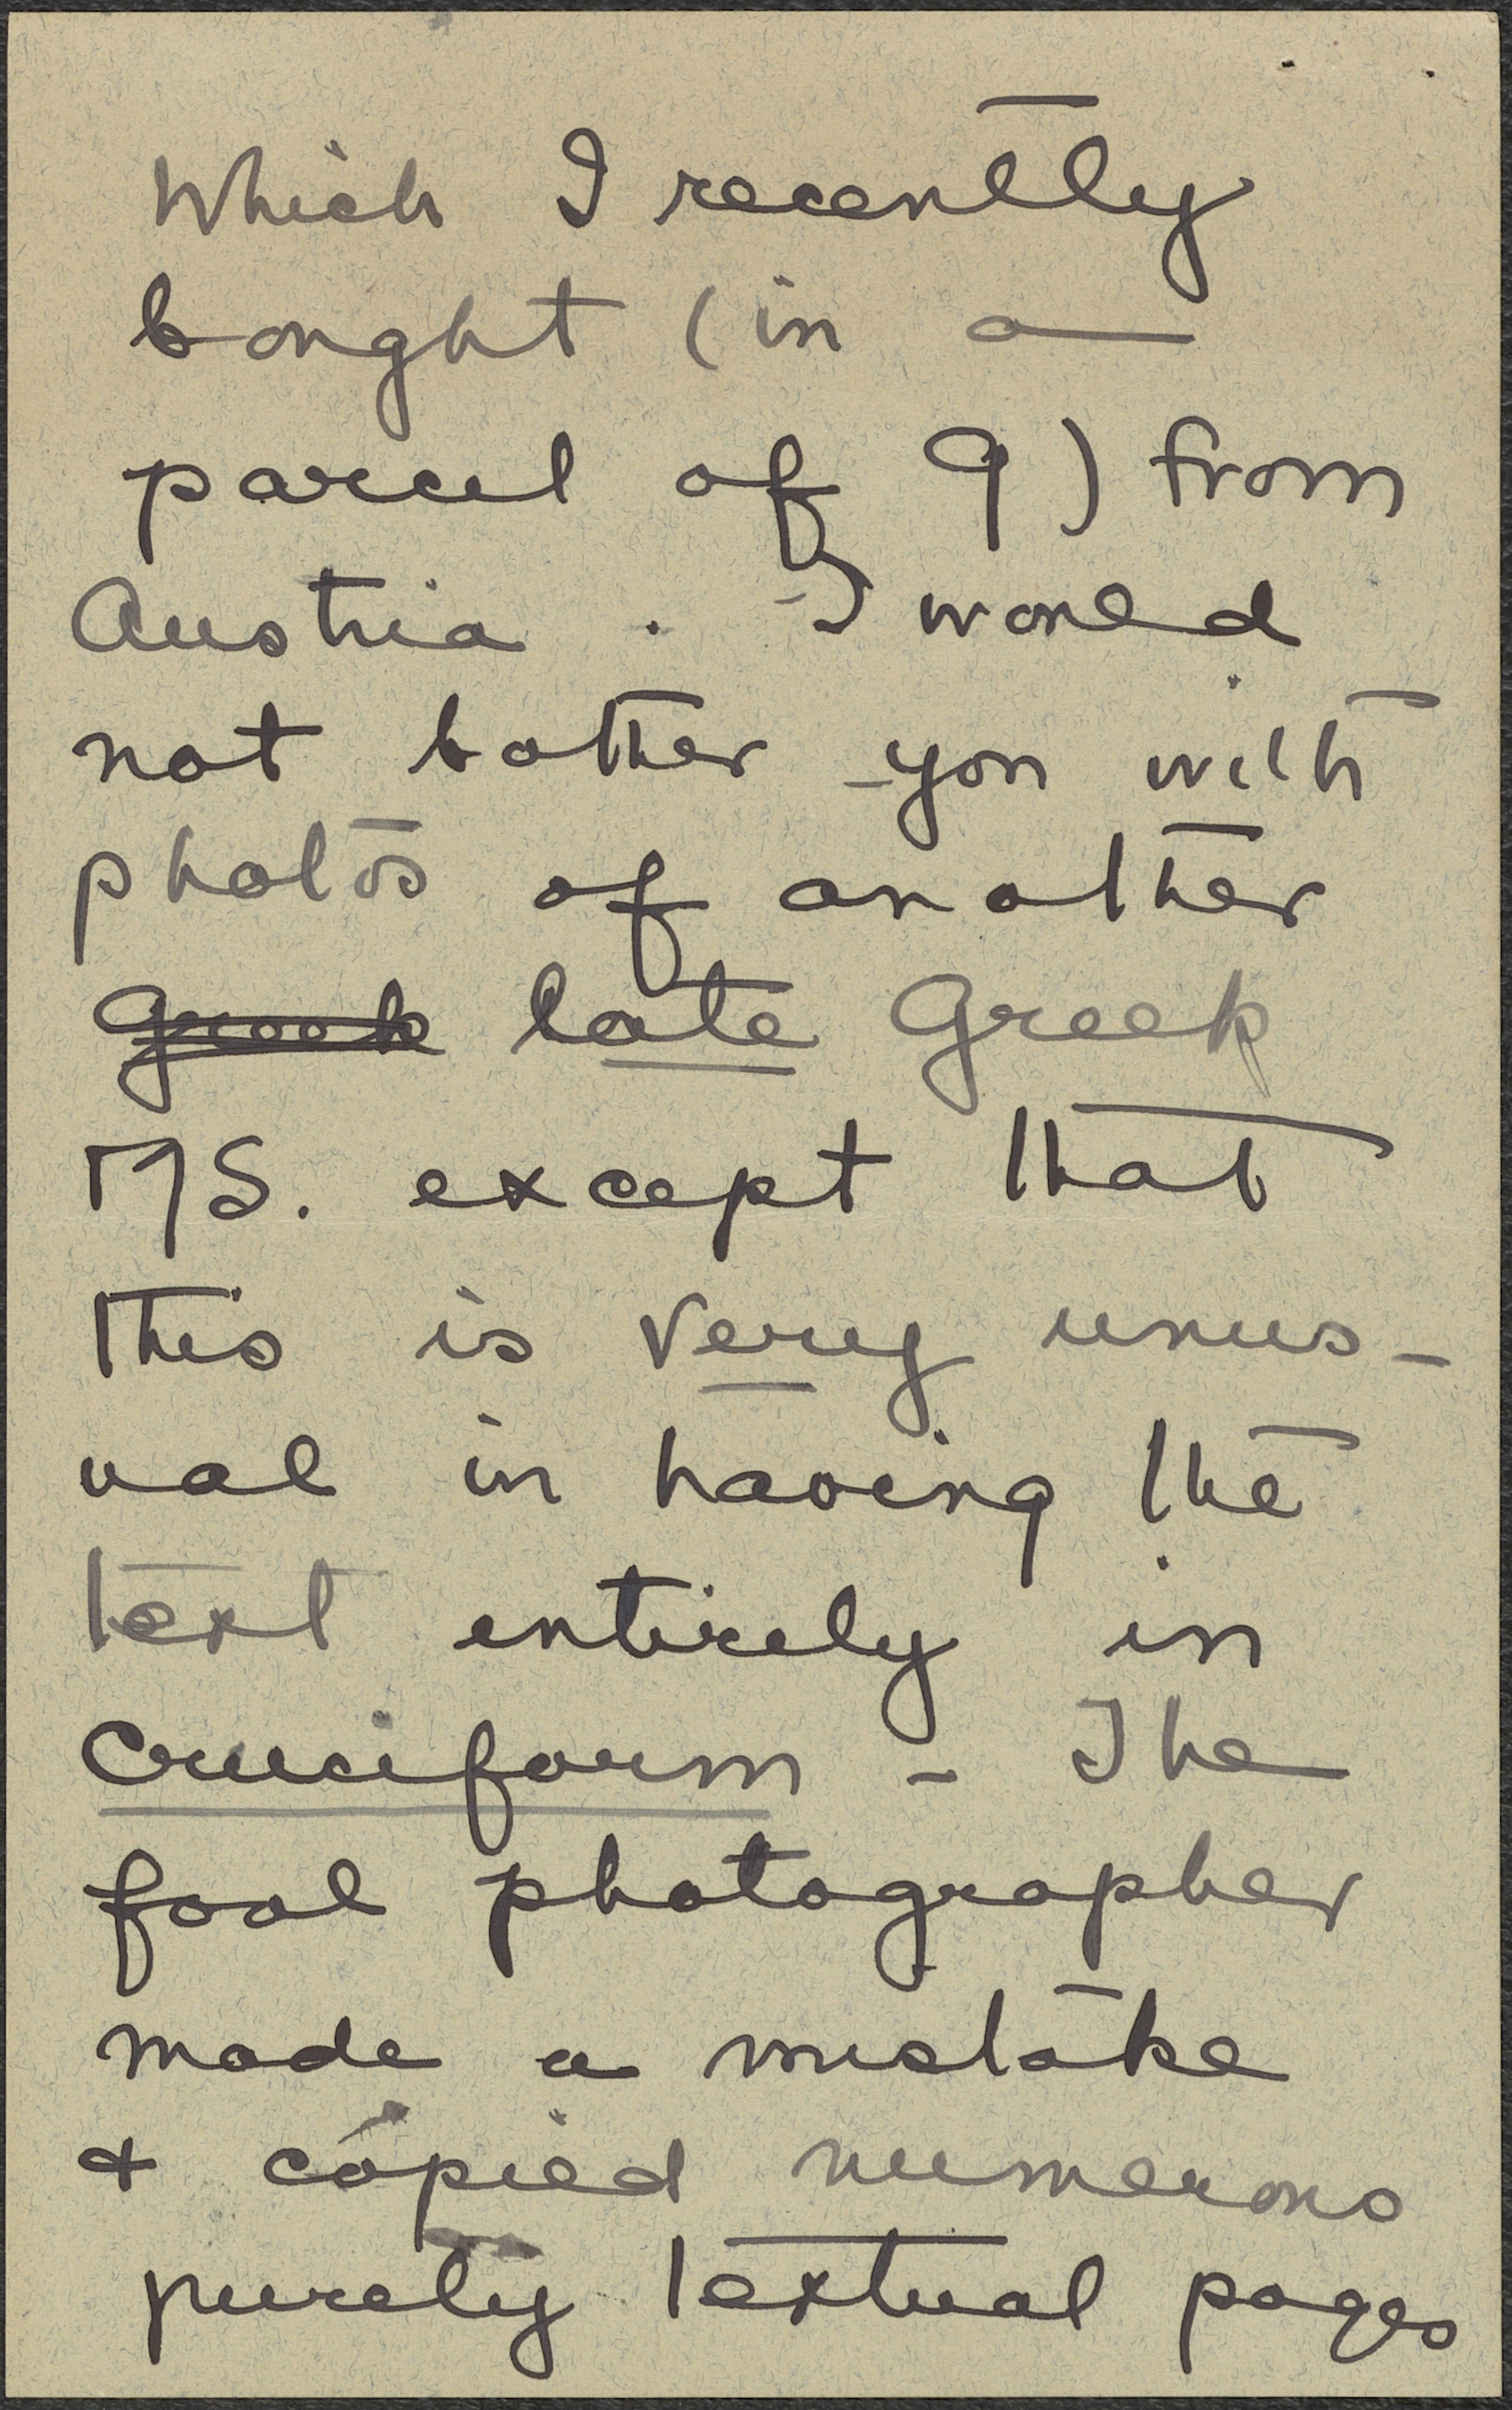Which I recently bought (in a pair of 9) from Austria. I would not bother you with photos of another Greek late Greek MS. except that this is very unusual in having the text entirely in Cruciform – The fool photographer made a mistake and copied numerous purely textual pages